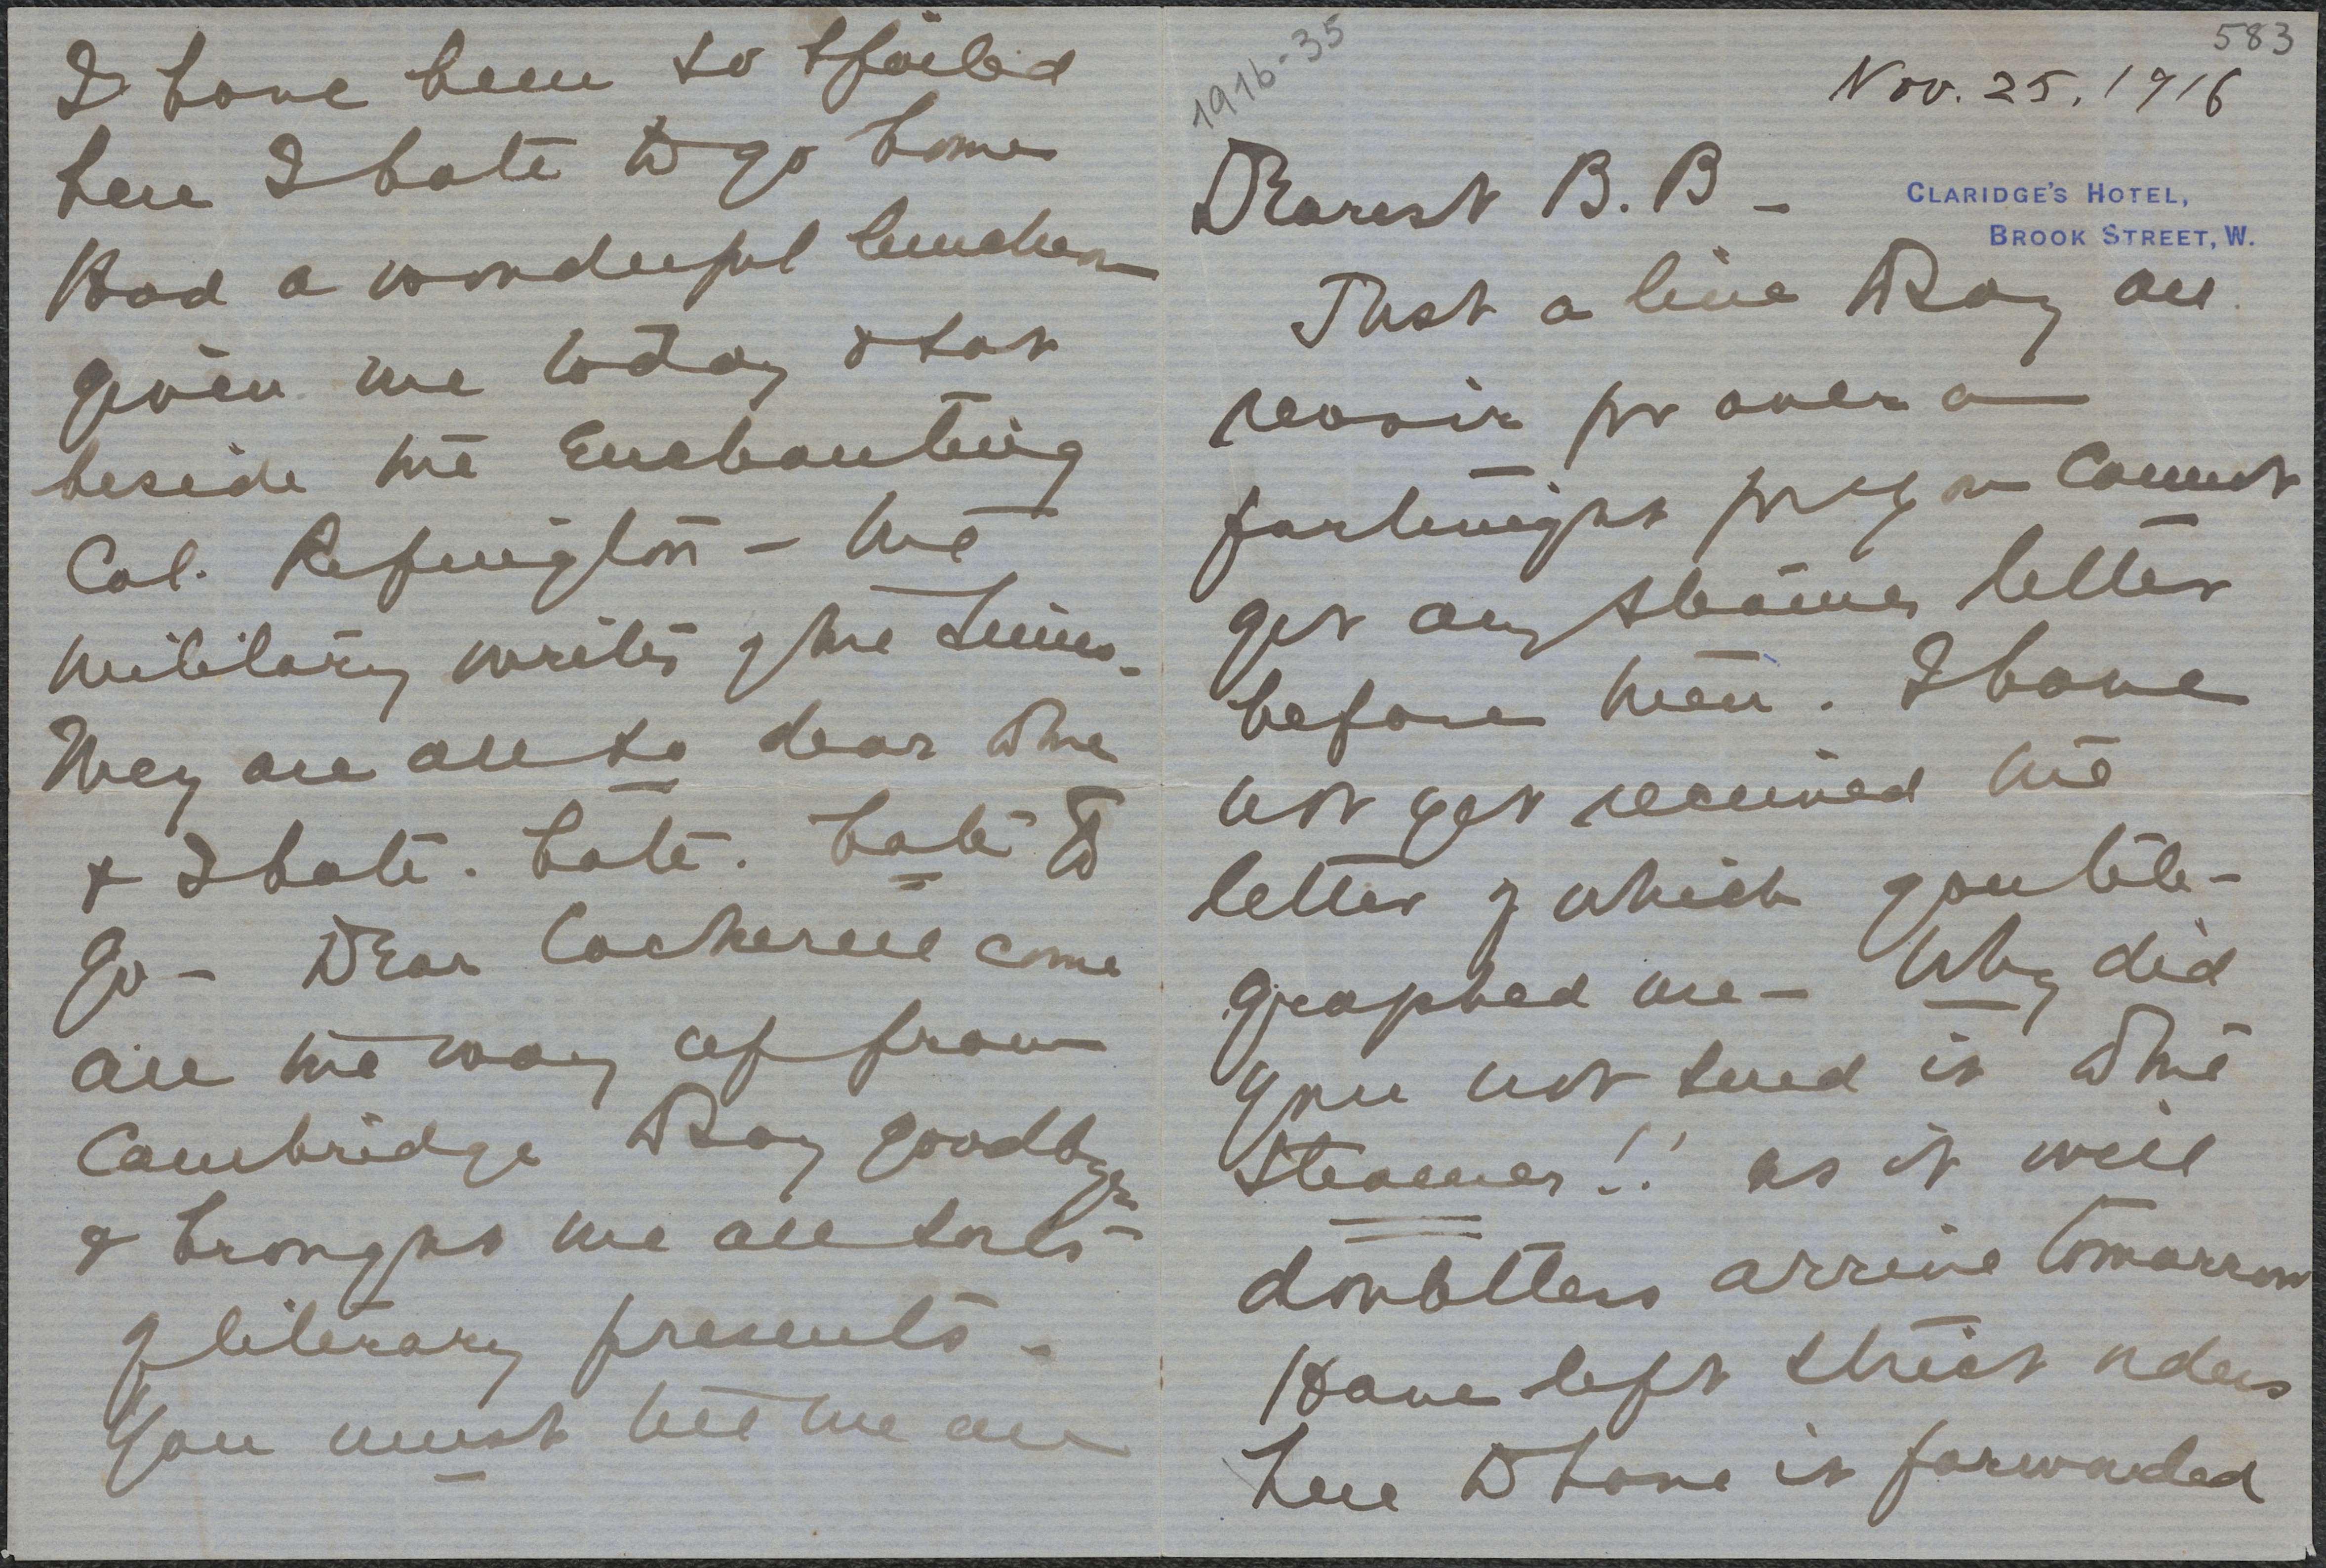Dearest B.B –
Just a line today au revoir for over a fortnight for you cannot get any steamer letter before then. I have not yet received the letter of which you telegraphed me – Why did you not send it to the [double underlined: steamer]!! as it will doubtless arrive tomorrow Have left strict orders here to have it forwarded
I have been so spoiled here I hate to go home Had a wonderful luncheon given me today & sat beside the enchanting Col. Repington – the military writer of the Times – they are all so dear to me & I hate. hate. [double underlined: hate] to go – Dear Cockerell come all the way up from Cambridge to say goodbye & brought me all sorts of literary presents – You must tell me all